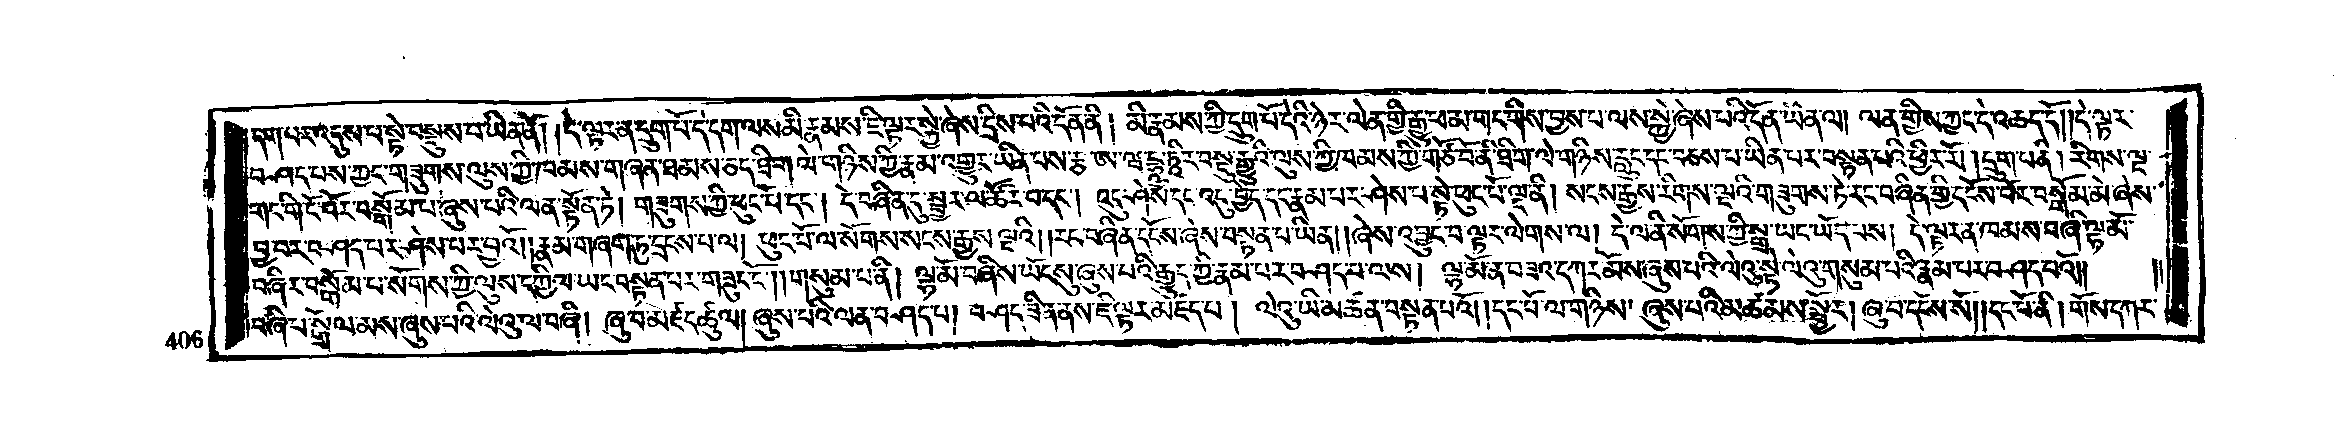དག་པར་འདུས་པ་སྟེ་བསྡུས་པ་ཡིན་ནོ། །དེ་ལྟར་ན་དྲུག་པོ་དེ་དག་ལས་མི་རྣམས་ཇི་ལྟར་སྐྱེ་ཞེས་དྲིས་པའི་དོན་ནི། མི་རྣམས་ཀྱི་དྲུག་པོ་དེའི་ཉེར་ལེན་གྱི་རྒྱུ་ཕ་མ་གང་གིས་བྱས་པ་ལས་སྐྱེ་ཞེས་པའི་དོན་ཡིན་ལ། ལན་གྱིས་ཀྱང་དེ་འཆད་དོ། །དེ་ལྟར་
བཤད་པས་ཀྱང་གཟུགས་ལུས་ཀྱི་ཁམས་གཞན་ཐམས་ཅད་ཐིག་ལེ་གཉིས་ཀྱི་རྣམ་འགྱུར་ཡིན་པས་རྩ་ཨ་ཝ་དྷཱུ་ཏཱིར་བསྡུ་རྒྱུའི་ལུས་ཀྱི་ཁམས་ཀྱི་གཙོ་བོ་ནི་ཐིག་ལེ་གཉིས་རླུང་དང་བཅས་པ་ཡིན་པར་བསྟན་པའི་ཕྱིར་རོ། །དྲུག་པ་ནི། རིགས་ལྔ་
གང་གི་ངོ་བོར་བསྒོམ་པ་ཞུས་པའི་ལན་སྟོན་ཏེ། གཟུགས་ཀྱི་ཕུང་པོ་དང་། དེ་བཞིན་དུ་སྦྱར་ལ་ཚོར་བ་དང་། འདུ་ཤེས་དང་འདུ་བྱེད་དང་རྣམ་པར་ཤེས་པ་སྟེ་ཕུང་པོ་ལྔ་ནི། སངས་རྒྱས་རིགས་ལྔའི་གཟུགས་ཏེ་རང་བཞིན་གྱི་དངོས་པོར་བསྒོམ་མོ་ཞེས་
བྱ་བར་བཤད་པར་ཤེས་པར་བྱའོ། །རྣམ་གཞག་ཏུ་དྲངས་པ་ལ། ཕུང་པོ་ལ་སོགས་སངས་རྒྱས་ལྔའི། །རང་བཞིན་དངོས་ཞེས་བསྟན་པ་ཡིན། །ཞེས་འབྱུང་བ་ལྟར་ལེགས་ལ། དེ་ལ་ནི་སོགས་ཀྱི་སྒྲ་ཡང་ཡོད་པས། །དེ་ལྟར་ན་ཁམས་བཞི་ལྷ་མོ་
བཞིར་བསྒོམ་པ་སོགས་ཀྱི་ལུས་དཀྱིལ་ཡང་བསྟན་པར་གཟུང་ངོ། །གསུམ་པ་ནི། ལྷ་མོ་བཞིས་ཡོངས་སུ་ཞུས་པའི་རྒྱུད་ཀྱི་རྣམ་པར་བཤད་པ་ལས། ལྷ་མོ་ན་བཟའ་དཀར་མོས་ཞུས་པའི་ལེའུ་སྟེ་ལེའུ་གསུམ་པའི་རྣམ་པར་བཤད་པའོ།། །།
བཞི་པ་སྒྲོལ་མས་ཞུས་པའི་ལེའུ་ལ་བཞི། ཞུ་བ་མཛད་ཚུལ། ཞུས་པའི་ལན་བཤད་པ། བཤད་ཟིན་ནས་ཇི་ལྟར་མཛད་པ། ལེའུ་ཡི་མཚན་བསྟན་པའོ། །དང་པོ་ལ་གཉིས། ཞུས་པའི་མཚམས་སྦྱོར། ཞུ་བ་དངོས་སོ། །དང་པོ་ནི། གོས་དཀར་